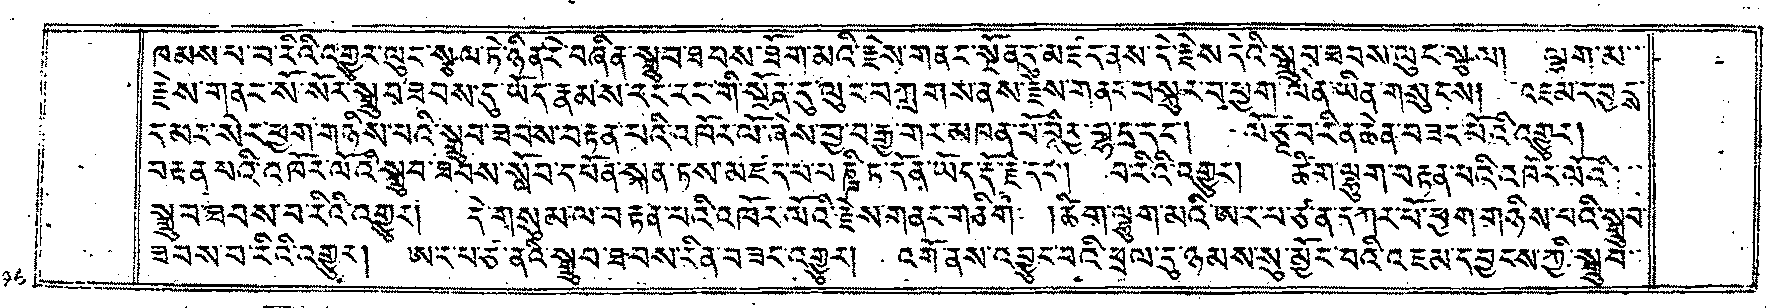ཁམས་པ་བ་རིའི་འགྱུར་ལུང་སྩལ་ཏེ་ཉིན་རེ་བཞིན་སྒྲུབ་ཐབས་ཐོག་མའི་རྗེས་གནང་སྔོན་དུ་མཛད་ནས་དེ་རྗེས་དེའི་སྒྲུབ་ཐབས་ལུང་སྩལ། ལྷག་མ་
རྗེས་གནང་སོ་སོར་སྒྲུབ་ཐབས་དུ་ཡོད་རྣམས་རང་རང་གི་སྔོན་དུ་ལུང་བཀླགས་ནས་རྗེས་གནང་བསྐུར་བ་ཕྱག་ལེན་ཡིན་གསུངས། འཇམ་དབྱངས་
དམར་སེར་ཕྱག་གཉིས་པའི་སྒྲུབ་ཐབས་བརྟན་པའི་འཁོར་ལོ་ཞེས་བྱ་བ་རྒྱ་གར་མཁན་པོ་བཱིརྱ་བྷ་དྲ་དང་། ལོ་ཙཱ་བ་རིན་ཆེན་བཟང་པོའི་འགྱུར།
བརྟན་པའི་འཁོར་ལོའི་སྒྲུབ་ཐབས་སློབ་དཔོན་སྐན་ཏས་མཛད་པ་པཎྜི་ཏ་དོན་ཡོད་རྡོ་རྗེ་དང་། བ་རིའི་འགྱུར། ཚིག་ལྷུག་བརྟན་པའི་འཁོར་ལོའི་
སྒྲུབ་ཐབས་བ་རིའི་འགྱུར། དེ་གསུམ་ལ་བརྟན་པའི་འཁོར་ལོའི་རྗེས་གནང་གཅིག ༢་།ཚིག་ལྷུག་མའི་ཨ་ར་པ་ཙ་ན་དཀར་པོ་ཕྱག་གཉིས་པའི་སྒྲུབ་
ཐབས་བ་རིའི་འགྱུར། ཨ་ར་པ་ཙ་ནའི་སྒྲུབ་ཐབས་རིན་བཟང་འགྱུར། འགོ་ནས་འབྱུང་བའི་ཕྲལ་དུ་ཉམས་སུ་མྱོང་བའི་འཇམ་དབྱངས་ཀྱི་སྒྲུབ་